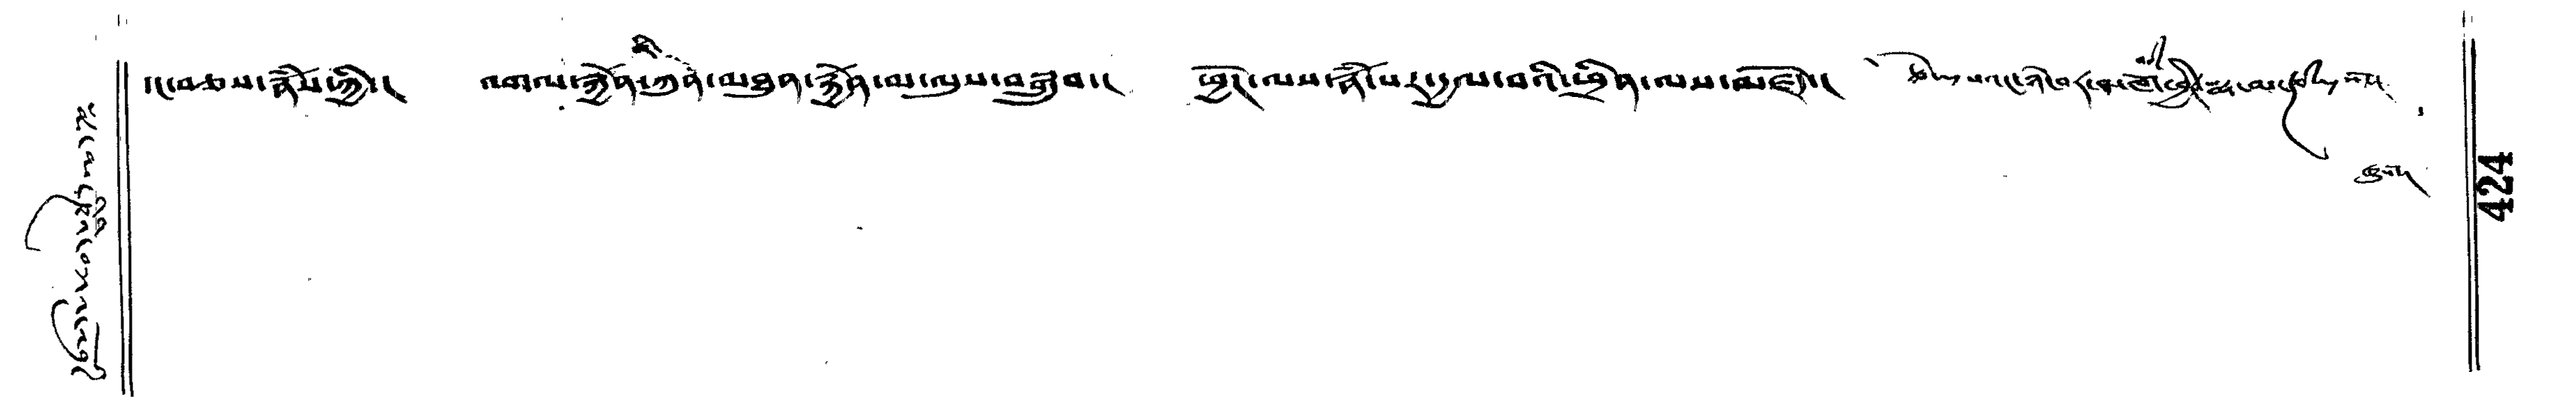དང་བཅས་རྣམས་ཀྱི། །འགལ་རྐྱེན་ཀུན་ཞི་མཐུན་རྐྱེན་མ་ལུས་སྒྲུབས། །ཕྱོགས་ལས་རྣམ་པར་རྒྱལ་བའི་ཕྲིན་ལས་མཛོད། ཅེས་པའང་ཉེ་བར་མཁོ་བའི་ཕྱིར་པདྨ་མ་ཎིས་སོ།། ཞུས་སོ།།